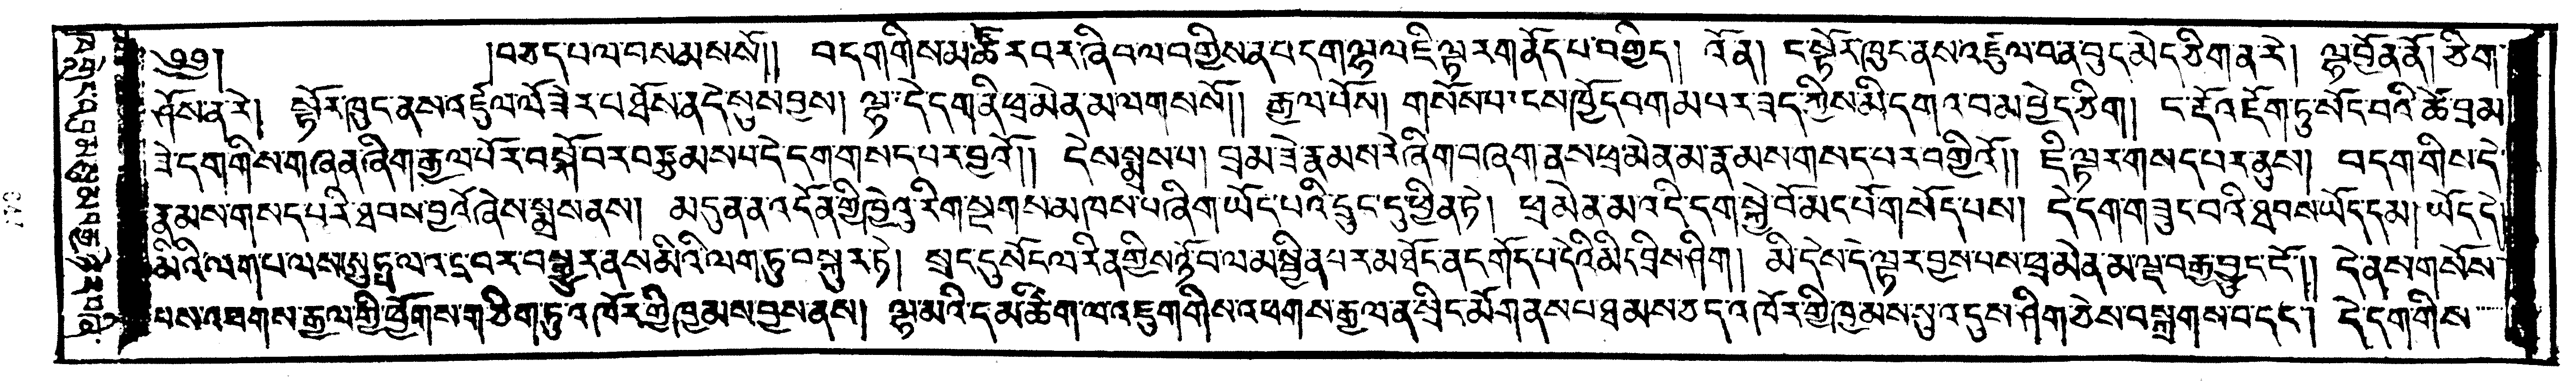༄༅། །བཅད་པ་ལ་བསམས་སོ།། བདག་གིས་མཚོར་བར་ཞིབ་ལ་བགྱིས་ན་བདག་ལྷ་ལ་ཇི་ལྟར་གནོད་པ་བགྱིད། འོ་ན། ང་སྟོར་ཁུང་ནས་འཛུལ་བ་ན་བུད་མེད་ཅིག་ན་རེ། ལྷ་བྱོན་ནོ། ཅིག་
ཤོས་ན་རེ། སྟོར་ཁུང་ནས་འཛུལ་ལོ་ཟེར་བ་ཐོས་ན་དེ་སུས་བྱས། ལྷ་དེ་དག་ནི་ཕྲ་མེན་མ་ལགས་སོ།། རྒྱལ་པོས། གསོས་པ་ངས་ཁྱོད་བགམ་པར་ཟད་ཀྱིས་མི་དགའ་བ་མ་བྱེད་ཅིག། ང་རྡོ་འཇོག་ཏུ་སོང་བའི་ཚེ་བྲམ་
ཟེ་དག་གིས་གཞན་ཞིག་རྒྱལ་པོར་བསྐོ་བར་བརྩམས་པ་དེ་དག་གསད་པར་བྱའོ།། དེས་སྨྲས་པ། བྲམ་ཟེ་རྣམས་རེ་ཞིག་བཞག་ནས་ཕྲ་མེད་མ་རྣམས་གསད་པར་བགྱིའོ།། ཇི་ལྟར་གསད་པར་ནུས། བདག་གིས་དེ་
རྣམས་གསད་པ་རི་ཐབས་བྱའོ་ཞེས་སྨྲས་ནས། མདུན་ན་འདོན་གྱི་ཁྱེའུ་རིག་སྔགས་མཁས་པ་ཞིག་ཡོད་པའི་དྲུང་དུ་ཕྱིན་ཏེ། ཕྲ་མེན་མ་འདི་དག་སྐྱེ་བོ་མང་པོ་གསོད་པས། དེ་དག་གཟུང་བའི་ཐབས་ཡོད་དམ། ཡོད་དེ།
མིའི་ལག་པ་ལས་ཨུཏྤ་ལ་འདྲ་བར་བསྒྱུར་ནས་མིའི་ལག་ཏུ་བསྐུར་ཏེ། སྲང་དུ་སོང་ལ་རིན་གྱིས་ཉོ་བ་མ་ལམ་སྦྱིན་པར་མཐོང་ནད་གོད་པ་དེའི་མིང་བྲིས་ཤིག། མི་དེས་དེ་ལྟར་བྱས་པས་ཕྲ་མེན་མ་ལྔ་བརྒྱ་བྱུང་ངོ།། དེ་ནས་གསོས་
པས་འཐགས་རྒྱལ་གྱི་ཕྱོགས་གཅིག་ཏུ་འཁོར་གྱི་ཁྱམས་བྱས་ནས། ལྷ་མའི་དམ་ཚིག་ལ་འཇུག་གིས་འཕགས་རྒྱལ་ན་སྲིང་མོ་གནས་པ་ཐམས་ཅད་འཁོར་གྱི་ཁྱམས་སུ་འདུས་ཤིག་ཅེས་བསྐྲགས་བ་དང་། དེ་དག་གིས་